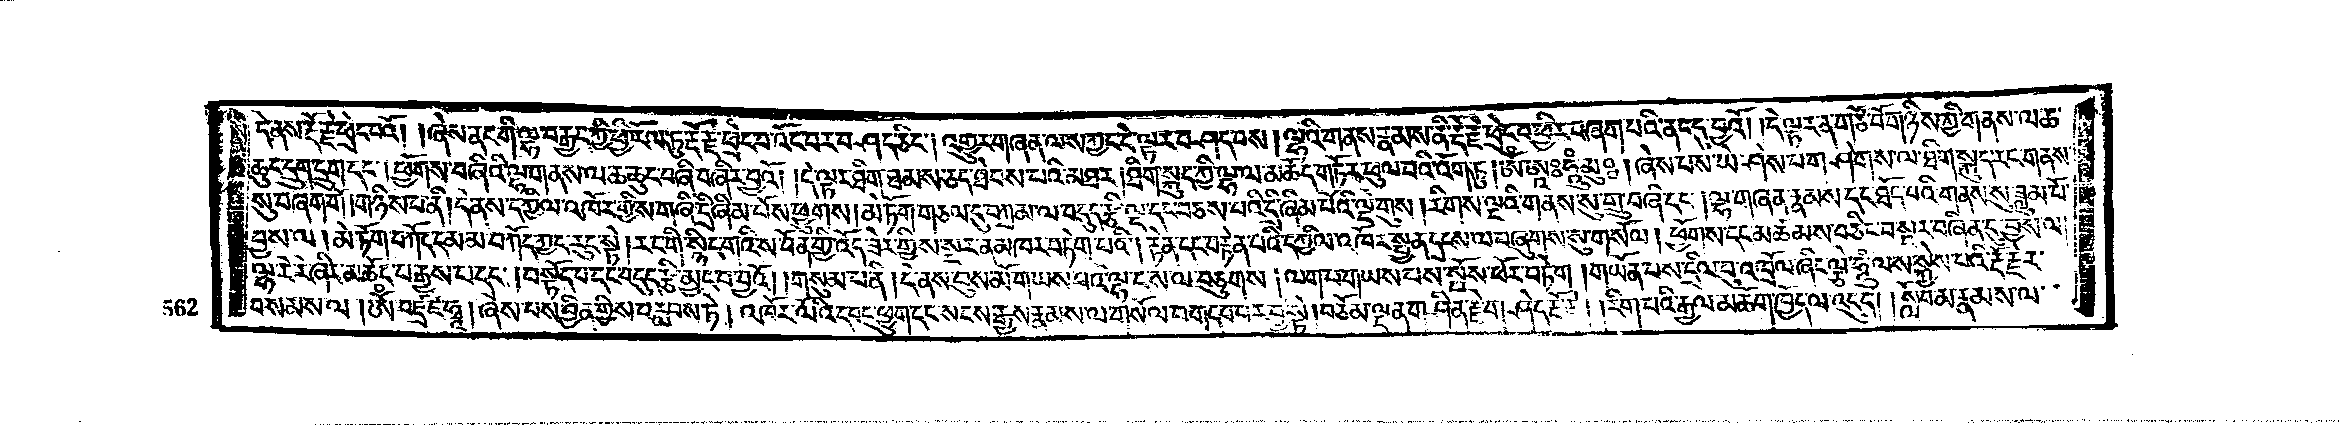དེ་ནས་རྡོ་རྗེ་ཕྲེང་བའོ། །ཞེས་ནང་གི་ལྷ་བརྒྱད་ཀྱི་ཕྱི་རོལ་ཏུ་རྡོ་རྗེ་ཕྲེང་བ་འོང་བར་བཤད་ཅིང་། འགྱུར་གཞན་ལས་ཀྱང་དེ་ལྟར་བཤད་པས། ལྷའི་གནས་རྣམས་ནི་རྡོ་རྗེ་ཕྲེང་བ་ཕྱིར་བཞག་པའི་ནང་དུ་བྱའོ། །དེ་ལྟར་ན་གཙོ་བོ་གཉིས་ཀྱི་གནས་ལ་ཆ་
ཆུང་དྲུག་དྲུག་དང་། ཕྱོགས་བཞིའི་ལྷ་གནས་ལ་ཆ་ཆུང་བཞི་བཞིར་བྱའོ། །དེ་ལྟར་ཐིག་ཐམས་ཅད་ཐེབས་པའི་མཐར། ཐིག་སྐུད་ཀྱི་ལྷ་ལ་མཆོད་གཏོར་ཕུལ་བའི་འོག་ཏུ། ཨོཾ་ཨཱཿ ཧཱུཾ་མུཿ། ཞེས་པས་ཡེ་ཤེས་པ་གཤེགས་ལ་ཐིག་སྐུད་རང་གནས་
སུ་བཞག་གོ །གཉིས་པ་ནི། དེ་ནས་དཀྱིལ་འཁོར་གྱིས་གཞི་དྲི་ཞིམ་པོས་ཕྱུགས། མེ་ཏོག་གཅལ་དུ་བཀྲམ་ལ་བདུད་རྩི་ལྔ་དང་བཅས་པའི་དྲི་ཞིམ་པོའི་ལྡེ་གུས། རིགས་ལྔའི་གནས་སུ་གྲུ་བཞི་དང་། ལྷ་གཞན་རྣམས་དང་ཐོད་པའི་གནས་སུ་ཟླུམ་པོ་
བྱས་ལ། མེ་ཏོག་བཀོད་དམ་མ་བཀོད་ཀྱང་རུང་སྟེ། རང་གི་སྙིང་གའི་ས་བོན་གྱི་འོད་ཟེར་གྱིས་སྔར་ནམ་མཁར་བཏེག་པའི། རྟེན་དང་བརྟེན་པའི་དཀྱིལ་འཁོར་སྤྱན་དྲངས་ལ་བཞུགས་སུ་གསོལ། ཕྱོགས་དང་མཚམས་བཅིང་བ་སྔར་བཞིན་དུ་བྱས་ལ།
ལྷ་རེ་རེ་ཞིང་མཆོད་པ་རྒྱས་པ་དང་། བསྟོད་པ་དང་བདུད་རྩི་མྱང་བ་བྱའོ། །གསུམ་པ་ནི། དེ་ནས་པུས་མོ་གཡས་པའི་ལྷ་ང་ས་ལ་བཙུགས། ལག་པ་གཡས་པས་སྤོས་ཕོར་བཏེག །གཡོན་པས་དྲིལ་བུ་འཁྲོལ་ཞིང་ལྕེ་ཧཱུཾ་ལས་སྐྱེས་པའི་རྡོ་རྗེར་
བསམས་ལ། ཨོཾ་བཛྲ་ཛ་ཧྭཱ། ཞེས་པས་བྱིན་གྱིས་བརླབས་ཏེ། འཁོར་ལོའི་དབང་ཕྱུག་དང་སངས་རྒྱས་རྣམས་ལ་གསོལ་བ་གདབ་པར་བྱ་སྟེ། བཅོམ་ལྡན་གཤིན་རྗེ་གཤེད་རྡོ་རྗེ། །རིག་པའི་རྒྱལ་མཆོག་ཁྱོད་ལ་འདུད། །སློབ་མ་རྣམས་ལ་